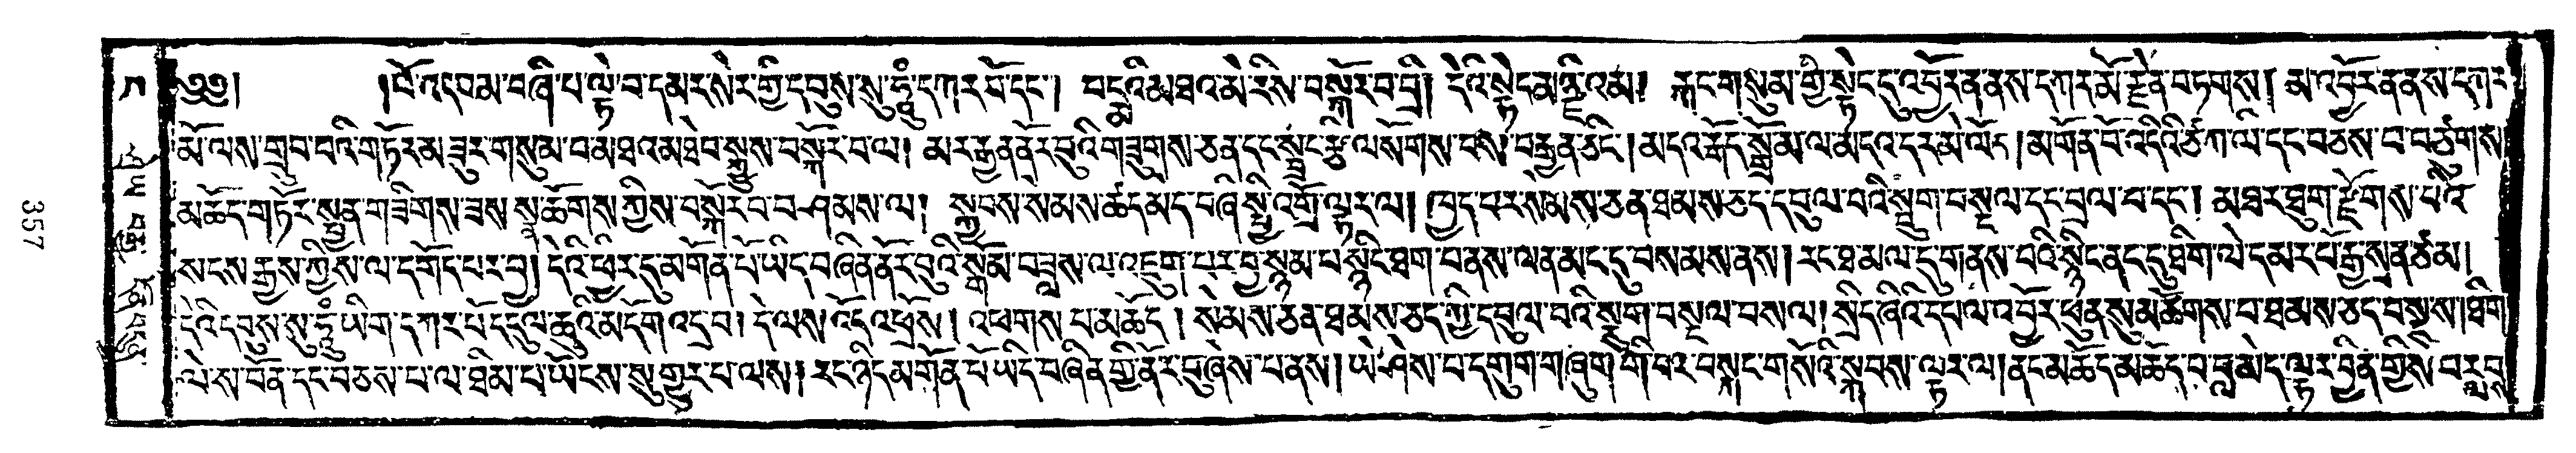༄༅། །པོ་འདབ་མ་བཞི་པ་ལྟེ་བ་དམར་སེར་གྱི་དབུས་སུ་ཧཱུཾ་དཀར་པོ་དང་། པདམའི་མཐའ་མེ་རིས་སྐོར་བ་བྲི། དེའི་སྟེད་མཉྫིའམ། རྐང་གསུམ་གྱི་སྟེང་དུ་འབྱོར་ན་ནས་དཀར་པོ་རྗེན་བཏགས། མ་འབྱོར་ན་ནས་དཀར་
མོ་ལས་གྲུབ་བའི་གཏོར་མ་ཟུར་གསུམ་བ་མཐའ་མཐེབ་སྐྱུས་བསྐོར་བ་ལ། མར་རྒྱན་ནོར་བུའི་གཟུགས་ཅན་དང་སྦྲང་རྩི་ལ་སོགས་པས་བརྒྱན་ཅིང་། མདའ་རྒོད་སྒྲོ་མ་ལ་མངའ་དར་མེ་ལོང་། མགོན་པོ་འདིའི་ཙ་ཀ་ལི་དང་བཅས་བ་བཙུགས་
མཆོད་གཏོར་སྤྱན་གཟིགས་ཟས་སྣ་ཚོགས་ཀྱིས་བསྐོར་བ་བཤམས་ལ། སྐྱབས་སེམས་ཚད་མེད་བཞི་སྤྱི་འགྲོ་ལྟར་ལ། ཁྱད་པར་སེམས་ཅན་ཐམས་ཅད་དབུལ་བའི་སྦུག་བསྔལ་དང་བྲལ་བ་དང་། མཐར་ཐུག་རྫོགས་པའི་
སངས་རྒྱས་ཀྱི་ས་ལ་དགོད་པར་བྱ། དེའི་ཕྱིར་དུ་མགོན་པོ་ཡིད་བཞིན་ནོར་བུའི་སྒོམ་བཟླས་ལ་འཇུག་པར་བྱ་སྙམ་པ་སྙིང་ཐག་པ་ནས་ལན་མང་དུ་བསམས་ནས། རང་ཐ་མལ་དུ་གནས་པའི་སྙིང་ནང་དུ་ཐིག་ལྟེར་དམར་པོ་རྒྱ་སྲན་ཙམ།
དེའི་དབུས་སུ་ཧཱུཾ་ཡིག་དཀར་པོ་དངུལ་ཆུའི་མདོག་འདྲ་བ། དེ་ལས་འོད་འཕྲོས། འཕགས་པ་མཆོད། སེམས་ཅན་ཐམས་ཅད་ཀྱི་དབུལ་བའི་སྡུག་བསྔལ་བསལ། སྲིད་ཞིའི་དཔལ་འབྱོར་ཕུན་སུམ་ཚོགས་པ་ཐམས་ཅད་བསྔ་ས། ཐིག་
ལེ་ས་བོན་དང་བཅས་པ་ལ་ཐིམ་པ་ཡོངས་སུ་གྱུར་པ་ལས། རང་ཉིད་མགོན་པོ་ཡིད་བཞིན་གྱི་ནོར་བུ་ཞེས་པ་ནས། ཡེ་ཤེས་པ་དགུག་གཞུག་གི་བར་བསྐང་གསོའི་སྐབས་ལྟར་ལ། ནང་མཆོད་བ་བླ་མེད་ལྟར་བྱིན་གྱིས་བརླབས་